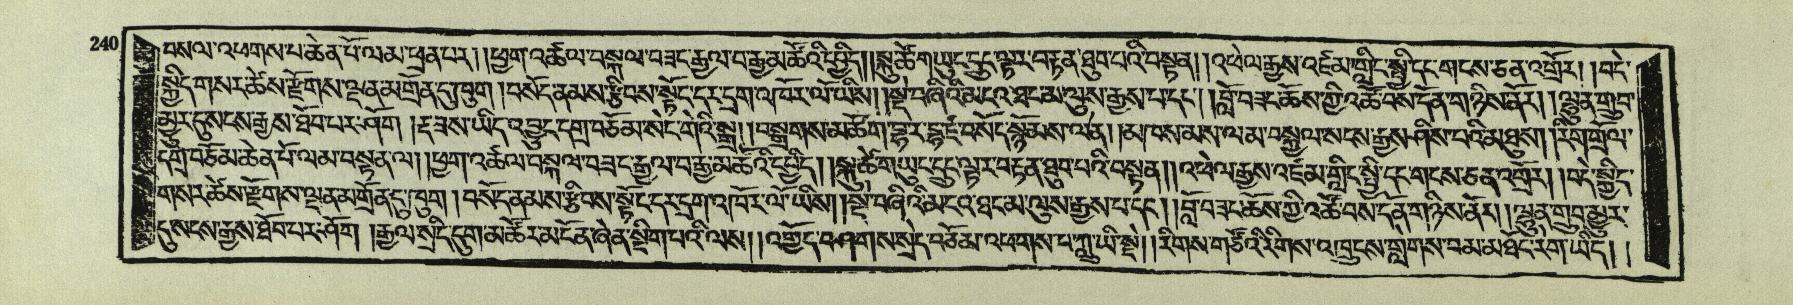བསལ་འཕགས་པ་ཆེན་པོ་ལམ་ཕྲན་པར། །ཕྱག་འཚལ་བསྐལ་བཟང་རྒྱལ་བ་རྒྱ་མཚོའི་དཔྱིད། །སྐུ་ཚེ་གཡུང་དྲུང་ལྟར་བརྟན་ཐུབ་པའི་བསྟན། །འཕེལ་རྒྱས་འཛམ་གླིང་སྤྱི་དང་གངས་ཅན་འགྲོར། །བདེ་
སྐྱིད་གསར་ཚེས་རྫོགས་ལྡན་མགྲོན་དུ་ཁུག །བསོད་ནམས་རྩིབས་སྟོང་དར་དྲག་འཁོར་ལོ་ཡིས། །སྡེ་བཞིའི་མངའ་ཐང་མ་ལུས་རྒྱས་པ་དང་། །བློ་བཟང་ཆོས་ཀྱི་འཚོ་བས་དོན་གཉིས་ནོར། །ལྷུན་གྲུབ་
མྱུར་དུ་སངས་རྒྱས་ཐོབ་པར་ཤོག །རྡ་ཟས་ཡིད་འབྱུང་དགྲ་བཅོམ་སེང་གེའི་སྒྲ། །བསྒྲགས་མཆོག་བྷ་ར་དྷ་ཛ་བསོད་སྙོམས་ལེན། །མཁས་མས་ལམ་བསྐྱལ་སངས་རྒྱས་ཤིས་པའི་མཐུས། །རིག་གྲོལ་
དགྲ་བཅོམ་ཆེན་པོ་ལམ་བསྟན་ལ། །ཕྱག་འཚལ་བསྐལ་བཟང་རྒྱལ་བ་རྒྱ་མཚོའི་དཔྱིད། །སྐུ་ཚེ་གཡུང་དྲུང་ལྟར་བརྟན་ཐུབ་པའི་བསྟན། །འཕེལ་རྒྱས་འཛམ་གླིང་སྤྱི་དང་གངས་ཅན་འགྲོར། །བདེ་སྐྱིད་
གསར་ཚེས་རྫོགས་ལྡན་མགྲོན་དུ་ཁུག །བསོད་ནམས་རྩིབས་སྟོང་དར་དྲག་འཁོར་ལོ་ཡིས། །སྡེ་བཞིའི་མངའ་ཐང་མ་ལུས་རྒྱས་པ་དང་། །བློ་བཟང་ཆོས་ཀྱི་འཚོ་བས་དོན་གཉིས་ནོར། །ལྷུན་གྲུབ་མྱུར་
དུ་སངས་རྒྱས་ཐོབ་པར་ཤོག །རྒྱལ་སྲིད་དུག་མཚོར་མངོན་ཞེན་སྡིག་པའི་ལས། །འགྱོད་བཤགས་སྲེད་བཅོམ་འཕགས་པ་ཀླུ་ཡི་སྡེ། །རིགས་གྲྩོའི་རིགས་འཁྲུངས་གླེགས་བམ་མཐོང་རེག་ཡིད།།